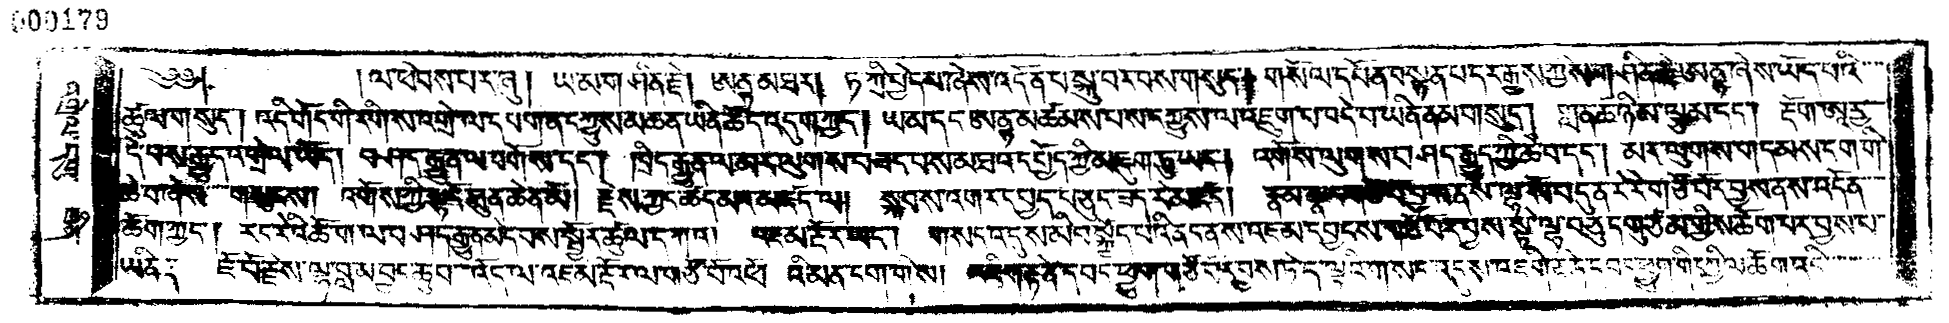༄༅། །ལ་ཕེབས་པར་ཞུ། ཡ་མ་གཤིན་རྗེ། ཨནྟ་མཐར། ཏ་ཀྲི་བྱེད་པ་ཞེས་འདོན་པ་སྐུ་བར་བས་གསུང་། གསོལ་དཔོན་བསྟན་པ་དར་རྒྱས་ཀྱིས་གཤིན་རྗེ་ཨནྟ་ཞེས་ཡོད་པའི་
ཚུལ་གསུང་། འདི་གོང་གི་རིགས་འགྲེ་ལ་དཔག་ན་དཀྱུས་མཆན་ཡིན་ཚོད་འདུག་ཀྱང་། ཡ་མ་དང་ཨནྟ་མཚམས་པས་དཀྱུས་ལ་འཇུག་པ་བདེ་བ་ཡིན་ནམ་གསུང་། གླན་ཚ་ཉི་མ་ལྕམ་དང་། རྡོག་ཨཱརྱ་
དེ་བས་རྒྱུད་འགྲེལ་ཡོད། བཤད་རྒྱུན་ལ་བགོས་དང་། ཁྲིད་རྒྱུན་ལ་མར་ལུགས་བཟང་པས་མཐའ་དཔྱོད་ཀྱི་མཇུག་ཏུ་ཡང་། འགོས་ལུགས་བཤད་རྒྱུད་ཀྱི་ཆེ་བ་དང་། མར་ལུགས་གདམས་ངག་གི་
ཆེ་བ་ཞེས་གསུངས། འགོས་ཀྱི་སྟོད་ཐུན་ཆེན་མོ། རྗེས་ཀྱང་ཚད་མར་མཛད་ལ། སྐབས་འགར་དཔྱད་པ་ཅུང་ཟད་རེ་མཛད། རྣམ་སྣང་གཙོ་བོ་བྱས་ནས་ལྷ་སོ་བདུན་རེ་རེ་གཙོ་བོར་བྱས་ནས་འདོན་
ཆོག་ཀྱང་། རང་རེའི་ཆོ་ག་ལ་བཤད་རྒྱུན་མེད་པས་སྦྱོར་ཚུལ་དཀའ། འཇམ་རྡོར་ཡང་། གསང་འདུས་མི་བསྐྱོད་པའི་ནང་ནས་འཇམ་དབྱངས་གཙོ་བོར་བྱས་སྟེ་ལྷ་བཅུ་དགུ་ཙམ་གྱིས་ཆོག་པར་བྱས་པ་
ཡིན༑ ཇོ་བོ་རྗེས་ལྷ་བླ་མ་བྱང་ཆུབ་འོད་ལ་འཇམ་རྡོར་ལ་གཙོ་བོ་འཕོའི་མན་ངག་གིས། འཇིག་རྟེན་དབང་ཕྱུག་གཙོ་བོར་བྱས་ཏེ་ད་ལྟའི་གསང་འདུས་འཇིག་རྟེན་དབང་ཕྱུག་གི་དཀྱིལ་ཆོག་འདི་